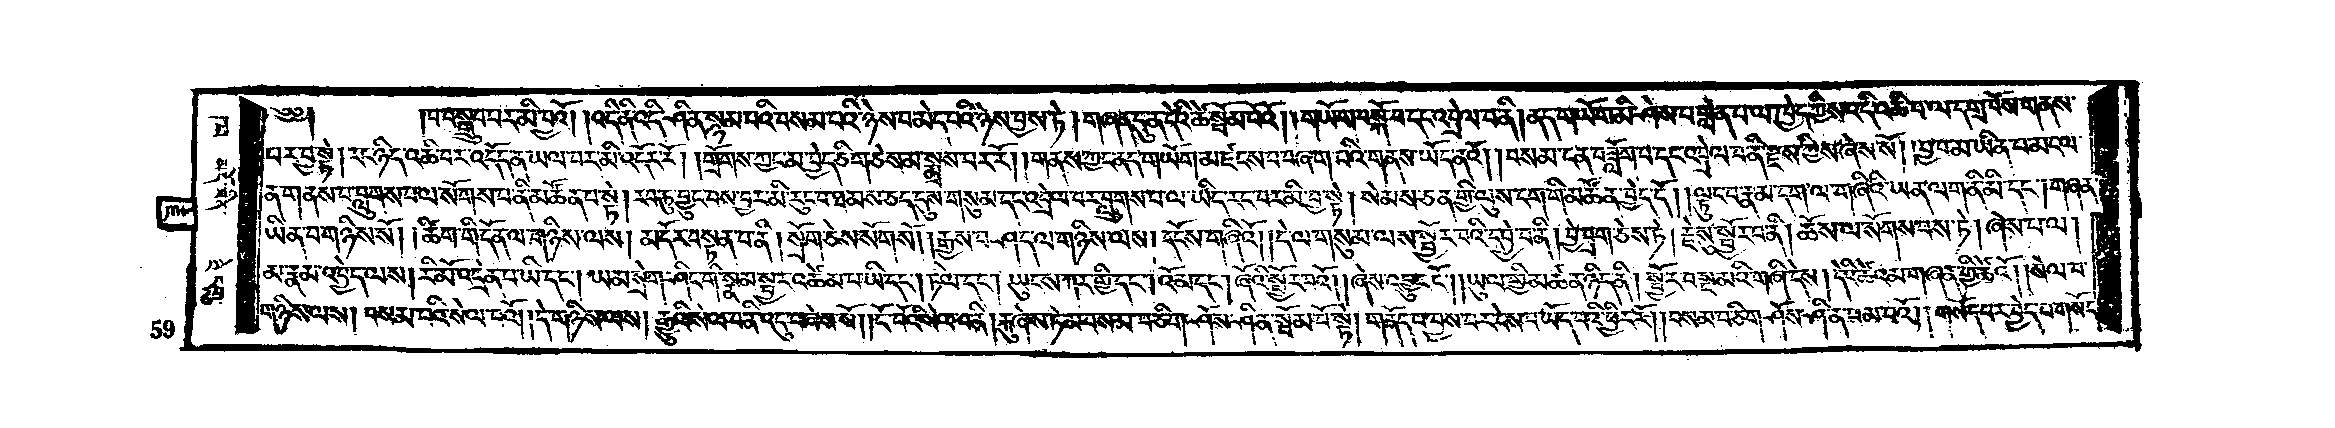༄༅། །བ་བསྒྲུབ་པར་མི་བྱའོ། །འདི་ནི་འདི་ཤི་ན་སྙམ་པའི་བསམ་པའི་ཉེས་པ་མེད་པའི་ཉེས་བྱས་ཏེ། གཞན་དུ་ན་དེའི་ཚེ་སྦོམ་པོའོ། །གཡོག་བསྐོ་བ་དང་འབྲེལ་བ་ནི། ནད་གཡོག་མི་ཤེས་པ་གླེན་པ་ལ་ཁྱེད་ཀྱིས་འདི་འཆི་བ་ལ་དགྲ་པོས་གནས་
པར་བྱ་སྟེ། རང་ཉིད་འཆི་བར་འདོད་ན་ཡལ་བར་མི་འདོར་རོ། །གྲོགས་ཀྱང་མ་བྱེད་ཅིག་ཅེས་མ་སྨྲས་པར་རོ། །གནས་ཀྱང་ནད་གཡོག་མཛངས་པ་བཞག་པའི་གནས་ཡོད་ནའོ། །བསམ་ངན་བཟློག་པ་དང་འབྲེལ་བ་ནི་རྫས་ཀྱིས་ཞེས་སོ། །བྱ་བ་མ་ཡིན་པ་མངལ་
ན་གནས་པ་བླུགས་པ་ལ་སོགས་པ་ནི་མཚོན་པ་སྟེ། རབ་ཏུ་བྱུང་བས་བྱར་མི་རུང་བ་ཐམས་ཅད་དུས་གསུམ་དང་འབྲེལ་བར་བླུགས་པ་ལ་ཡིད་རང་བར་མི་བྱ་སྟེ། སེམས་ཅན་གྱི་ལུས་ངག་གི་མཚོན་བྱེད་དོ། །ལྟུང་བ་རྣམ་དག་ལ་གཞིའི་ཡན་ལག་ནི་མི་དང་། གཞན་
ཡིན་པ་གཉིས་སོ། །ཚིག་གི་དོན་ལ་གཉིས་ལས། མདོར་བསྟན་པ་ནི། སྲོག་ཅེས་སོགས་སོ། །རྒྱས་བཤད་ལ་གཉིས་ལས། དངོས་གཞིའོ། །དེ་ལ་གསུམ་ལས་སྦྱོར་བའི་དབྱེ་བ་ནི། བྱེ་བྲག་ཅེས་ཏེ། རྗེས་སུ་སྦྱོར་བ་ནི། ཆོས་ལ་སོགས་པས་ཏེ། ཞས་པ་ལ།
མ་རྣམ་འབྱེད་ལས། རི་མོ་འདྲེན་པ་ཡི་དང་། ཡམ་སྲེག་ཤིང་གི་སྣམ་སྦྱར་འཚེམ་པ་ཡི་དང་། ཏིལ་དང་། ཡུངས་ཀར་གྱི་དང་། འོ་མ་དང་། ཞོའི་སྦྱོར་བའོ། །ཞེས་འབྱུང་ངོ། །ཡུལ་གྱི་མཚན་ཉིད་ནི། སྦྱོར་བ་སྔ་མའི་གཞི་དེས། དེའི་ཚེའམ་གཞན་གྱི་ཚེའོ། །སེལ་བ་
གཉིས་ལས། བསམ་པའི་སེལ་བའོ། །དེ་གཉིས་ལས། རྒྱུའི་སེལ་བ་ནི་འདུ་བ་ཞེས་སོ། །ངོ་བོའི་སེལ་བ་ནི། རྐུ་ཞེས་ཏེ་མ་བསམ་པ་ཅིག་ཤོས་ཤི་ན་སྦོམ་པོ་སྟེ། གནོད་པ་བྱས་པར་ངེས་པ་ཡོད་པའི་ཕྱིར་རོ། །བསམ་པ་ཅིག་ཤོས་ཤི་ན་ཕམ་པའོ། །གསོད་པར་བྱེད་པ་གསོད་